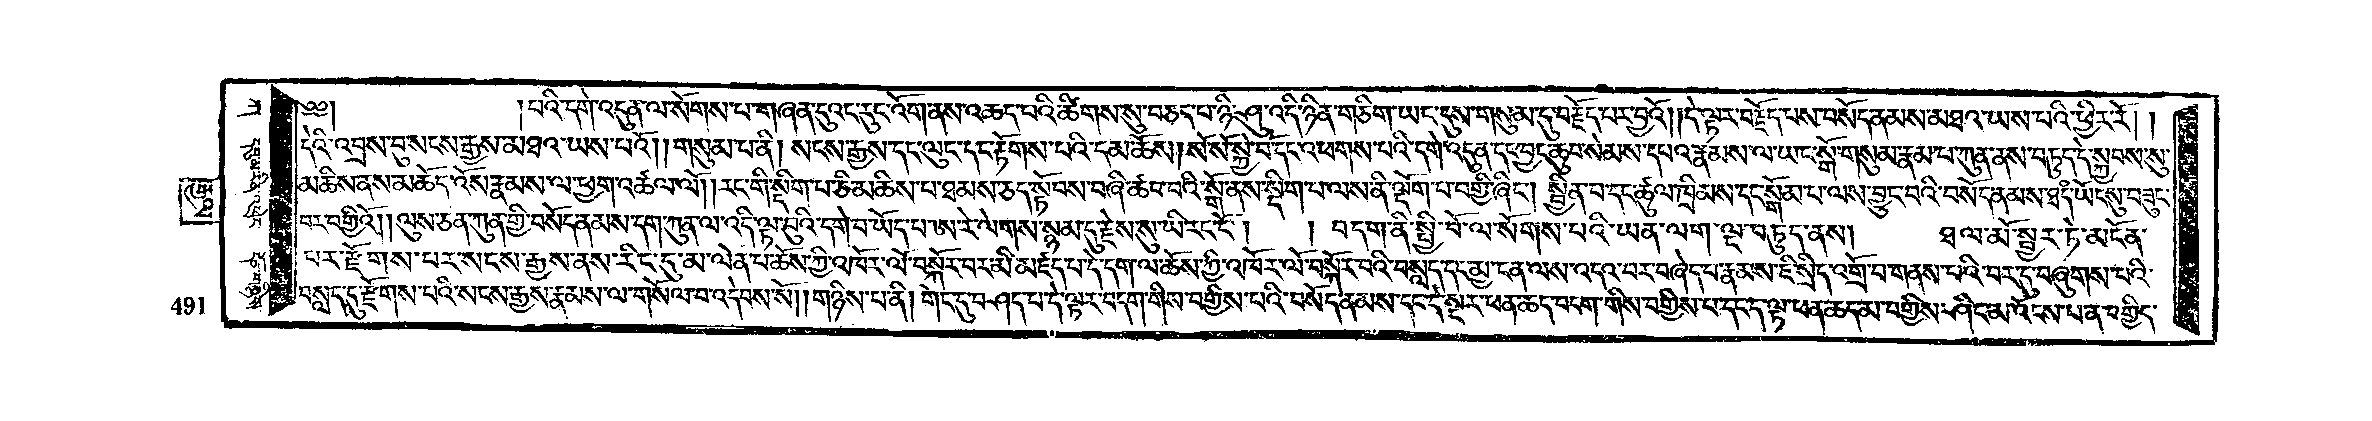༄༅། །པའི་དགེ་འདུན་ལ་སོགས་པ་གཞན་དུའང་རུང་འོག་ནས་འཆད་པའི་ཚིགས་སུ་བཅད་པ་ཉི་ཤུ་འདི་ཉིན་གཅིག་ཡང་དུས་གསུམ་དུ་བརྗོད་པར་བྱའོ། །དེ་ལྟར་བརྗོད་པས་བསོད་ནམས་མཐའ་ཡས་པའི་ཕྱིར་རོ། །
དེའི་འབྲས་བུ་སངས་རྒྱས་མཐའ་ཡས་པའོ། །གསུམ་པ་ནི། སངས་རྒྱས་དང་ལུང་དང་རྟོགས་པའི་དམ་ཆོས། སོ་སོ་སྐྱེ་བོ་དང་འཕགས་པའི་དགེ་འདུན་དང་བྱང་ཆུབ་སེམས་དཔའ་རྣམས་ལ་ཡང་སྒོ་གསུམ་རྣམ་པ་ཀུན་ནས་བཏུད་དེ་སྐྱབས་སུ་
མཆིས་ནས་མཆོད་འོས་རྣམས་ལ་ཕྱག་འཚལ་ལོ། །རང་གི་སྡིག་པ་ཅི་མཆིས་པ་ཐམས་ཅད་སྟོབས་བཞི་ཚང་བའི་སྒོ་ནས་སྡིག་པ་ལས་ནི་ལྡོག་པ་བགྱི་ཞིང་། སྦྱིན་པ་དང་ཚུལ་ཁྲིམས་དང་སྒོམ་པ་ལས་བྱུང་བའི་བསོད་ནམས་ཐམས་ཅད་ཡོངས་སུ་བཟུང་
བར་བགྱིའོ། །ལུས་ཅན་ཀུན་གྱི་བསོད་ནམས་དག་ཀུན་ལ་འདི་ལྟ་བུའི་དགེ་བ་ཡོད་པ་ཨ་རེ་ལེགས་སྙམ་དུ་རྗེས་སུ་ཡི་རང་ངོ། །བདག་ནི་སྤྱི་བོ་ལ་སོགས་པའི་ཡན་ལག་ལྔ་བཏུད་ནས། ཐལ་མོ་སྦྱར་ཏེ་མངོན་
པར་རྫོགས་པར་སངས་རྒྱས་ནས་རིང་དུ་མ་ལེན་པ་ཆོས་ཀྱི་འཁོར་ལོ་བསྐོར་བར་མི་མཛད་པ་དེ་དག་ལ་ཆོས་ཀྱི་འཁོར་ལོ་བསྐོར་བའི་བསླད་དང་མྱ་ངན་ལས་འདའ་བར་བཞེད་པ་རྣམས་ཇི་སྲིད་འགྲོ་བ་གནས་པའི་བར་དུ་བཞུགས་པའི་
བསླད་དུ་རྫོགས་པའི་སངས་རྒྱས་རྣམས་ལ་གསོལ་བ་འདེབས་སོ། །གཉིས་པ་ནི། གོང་དུ་བཤད་པ་དེ་ལྟར་བདག་གིས་བགྱིས་པའི་བསོད་ནམས་དང་དེ་སྔར་ཕན་ཆད་བདག་གིས་བགྱིས་པ་དང་ད་ལྟ་ཕན་ཆད་མ་བགྱིས་ཤིང་མ་འོངས་པ་ན་བགྱིད་